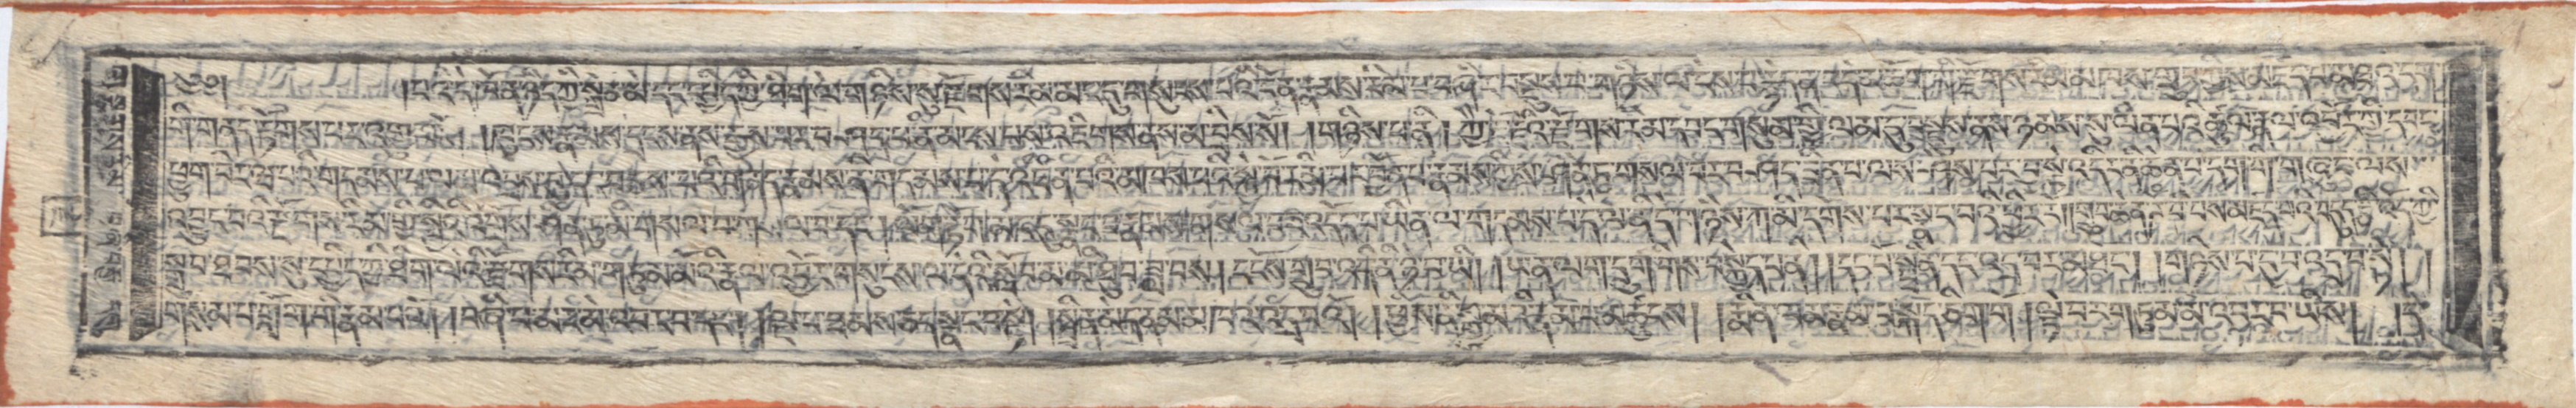༄༅། །པའི་དེ་ཁོ་ན་ཉིད་ཀྱི་སྒྲོན་མེ་དང་དཔྱིད་ཀྱི་ཐིག་ལེ་གཉིས་སུ་རྫོགས་རིམ་མང་དུ་གསུངས་པའི་དོན་རྣམས་རིམ་པ་བཞིར་བསྡུས་པ་གཉིས་ལ་ངེས་པ་རྙེད་ན་བདེ་མཆོག་གི་རྫོགས་རིམ་མཁས་གྲུབ་ཀྱིས་མཛད་པ་མཐའ་དག་
གི་གནད་རྟོགས་པར་འགྱུར་རོ། །ཁུངས་རྣམས་དྲངས་ནས་རྒྱས་པར་བཤད་པ་ནི་མངས་པས་འཇིགས་ནས་མ་བྲིས་སོ། །གཉིས་པ་ནི། ཀྱཻ་རྡོ་རྗེའི་རྫོགས་རིམ་དབང་གསུམ་གྱི་ལམ་དུ་བསྡུས་ནས་ཉམས་སུ་ལེན་པའི་ཚུལ་རྣལ་འབྱོར་ཀྱི་དབང་
ཕྱུག་བིར་ཝ་པའི་གདམས་པ་ལམ་འབྲས་བུ་དང་བཅས་པའི་གནད་རྣམས་ནི་གདམས་པ་དེ་འཛིན་པའི་མཁས་པའི་སྐྱེ་བོ་རིམ་པར་བྱོན་པ་རྣམས་ཀྱིས་ཤིན་ཏུ་གསལ་བར་བཤད་ཟིན་པ་ལས་ཤེས་པར་བྱ་སྟེ་འདིར་ནི་ཆེན་པོ་དག་གི་གཞུང་ལས་
འབྱུང་བའི་རྫོགས་རིམ་གྱི་སྤྱིའི་འགྲོས་ཤིན་ཏུ་མི་གསལ་བ་གསལ་བ་དང་། ལོག་རྟོག་མང་དུ་སྣང་བ་རྣམས་གསལ་བར་འདོད་པ་ཡིན་ལ་གདམས་པ་དེ་ལ་ནི་དེ་གཉིས་ཀ་མི་དགོས་པར་སྣང་བའི་ཕྱིར་རོ། །གྲུབ་ཆེན་ཊོཾ་བི་པས་མཛད་པའི་བདུད་རྩི་འོད་ཀྱི་
སྒྲུབ་ཐབས་སུ་དཔྱིད་ཀྱི་ཐིག་ལེའི་རྫོགས་རིམ་གཏུམ་མོའི་རྣལ་འབྱོར་གསུངས་ལ་དེའི་སློབ་མ་མི་ཐུབ་ཟླ་བས། དངོས་གྲུབ་འདི་ནི་ཉེ་བ་ཡི། །ཡན་ལག་དྲུག་གིས་བསྐྱེད་པ་ནི། །དང་པོ་སྤྲིན་དང་འདྲ་བར་མཐོང་། །གཉིས་པ་དུ་བ་འདྲ་བ་སྟེ། །
གསུམ་པ་གློག་གི་རྣམ་པའོ། །བཞི་པ་མར་མེ་འབར་བ་དང་། །ལྔ་པ་ཐམས་ཅད་སྣང་བ་སྟེ། །སྤྲིན་མེད་ནམ་མཁའ་འདྲ་བའོ། །ཕྱིས་ནི་སྒྱུ་མའི་རྣམ་པ་མཚུངས། །རྨིན་ལམ་རྣམ་པ་སྐད་ཅིག་གོ །ལྟེ་བར་གཏུམ་མོ་འབར་བ་ཡིས། །དེ་